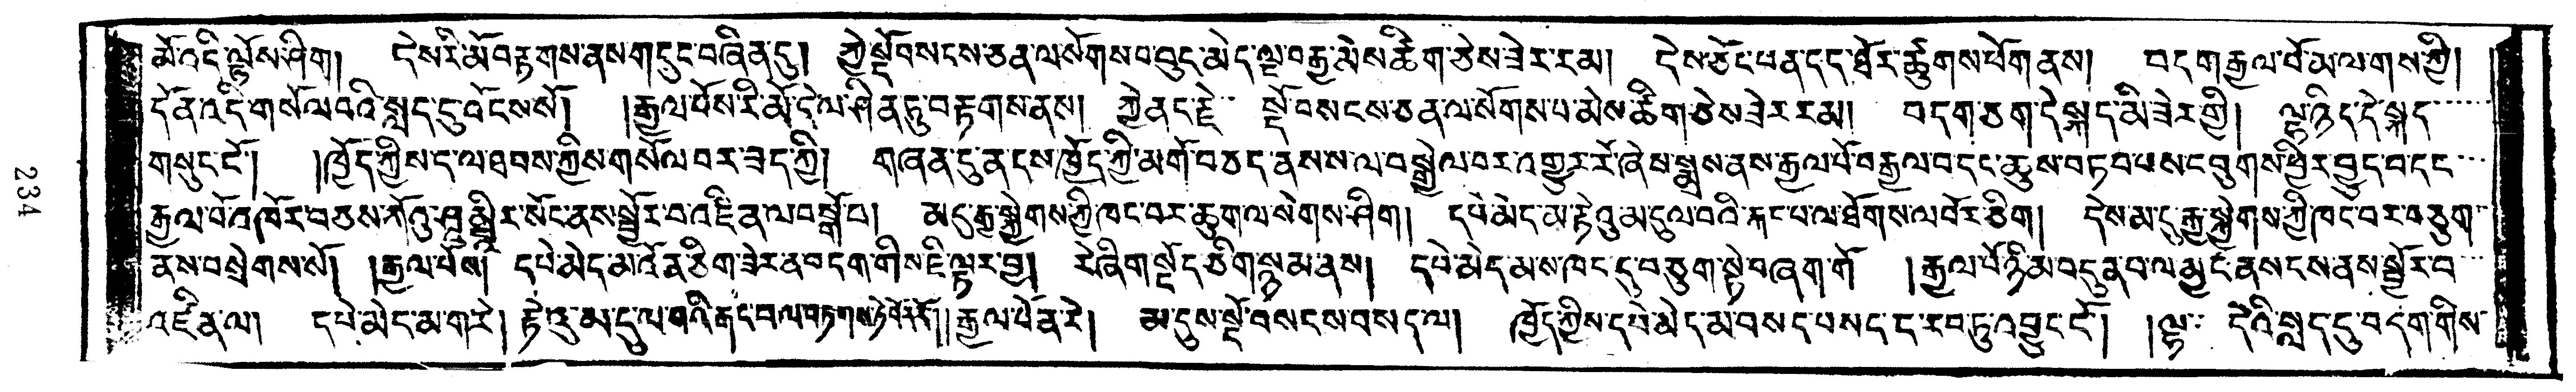མོ་འདི་ལྟོས་ཤིག། དེས་རི་མོ་བརྟགས་ནས་གདུང་བཞིན་དུ། ཀྱེ་སྡོ་བསངས་ཅན་ལ་སོགས་པ་བུད་མེད་ལྔ་བརྒྱ་མེས་ཚིག་ཅེས་ཟེར་རམ། དེས་ཅོད་པན་དད་ཐོར་ཚུགས་ཕོག་ནས། བདག་རྒྱལ་པོ་མ་ལགས་ཀྱི།
དོན་འདི་གསོལ་བའི་སླད་དུ་འོངས་སོ། །རྒྱལ་པོས་རི་མོ་དེ་ལ་ཤིན་ཏུ་བརྟགས་ནས། ཀྱེ་ནང་རྗེ་སྔོ་བསངས་ཅན་ལ་སོགས་པ་མེས་ཚིག་ཅེས་ཟེར་རམ། བདག་ཅག་དེ་སྐད་མི་ཟེར་གྱི། ལྷ་ཉིད་དེ་སྐད་
གསུང་ངོ། །ཁྱོད་ཀྱིས་ད་ལ་ཐབས་ཀྱིས་གསོལ་བར་ཟད་ཀྱི། གཞན་དུ་ན་ངས་ཁྱོད་ཀྱི་མགོ་བཅད་ནས་ས་ལ་བསྒྱེལ་བར་འགྱུར་རོ་ཞེས་སྨྲས་ནས་རྒྱལ་པོ་བརྒྱལ་བ་དང་ཆུས་བཏབ་པས་དབུགས་ཕྱིར་བྱུང་བ་དང་
རྒྱལ་པོ་འཁོར་བཅས་ཀོའུ་ཤཱམྦཱིར་སོང་ནས་སྦྱོར་བ་འཛིན་ལ་བསྒོ་བ། མདུ་རྒྱ་སྐྱེགས་ཀྱི་ཁང་བར་ཆུག་ལ་སེགས་ཤིག། དཔེ་མེད་མ་རྟེའུ་མ་དུལ་བའི་རྐང་པ་ལ་ཐོགས་ལ་བོར་ཅིག། དེས་མ་དུ་རྒྱ་སྐྱེགས་ཀྱི་ཁང་བར་བཅུག་
ནས་བསྲེགས་སོ། །རྒྱལ་པོས། དཔེ་མེད་མ་འོན་ཅིག་ཟེར་ན་བདག་གིས་ཇི་ལྟར་བྱ། རེ་ཞིག་སྔོད་ཅིག་སྙམ་ནས། དཔེ་མེད་མ་ས་ཁང་དུ་བཅུག་སྟེ་བཞག་གོ །རྒྱལ་པོ་ཉི་མ་བདུན་པ་ལ་མྱང་ན་སངས་ནས་སྦྱོར་བ་
འཛིན་ལ། དཔེ་མེད་མ་ག་རེ། རྟེའུ་མ་དུ་ལ་བའི་རྒང་བལ་བཏགས་ཏེ་བོར་རོ། །རྒྱལ་པོ་ན་རེ། མ་དུ་ས་སྔོ་བསངས་བསད་ལ། ཁྱོད་ཀྱིས་དཔེ་མེད་མ་བསད་བསད་ང་རབ་ཏུ་འབྱུང་ངོ། །ལྷ༑ དེའི་སླད་དུ་བདག་གིས་